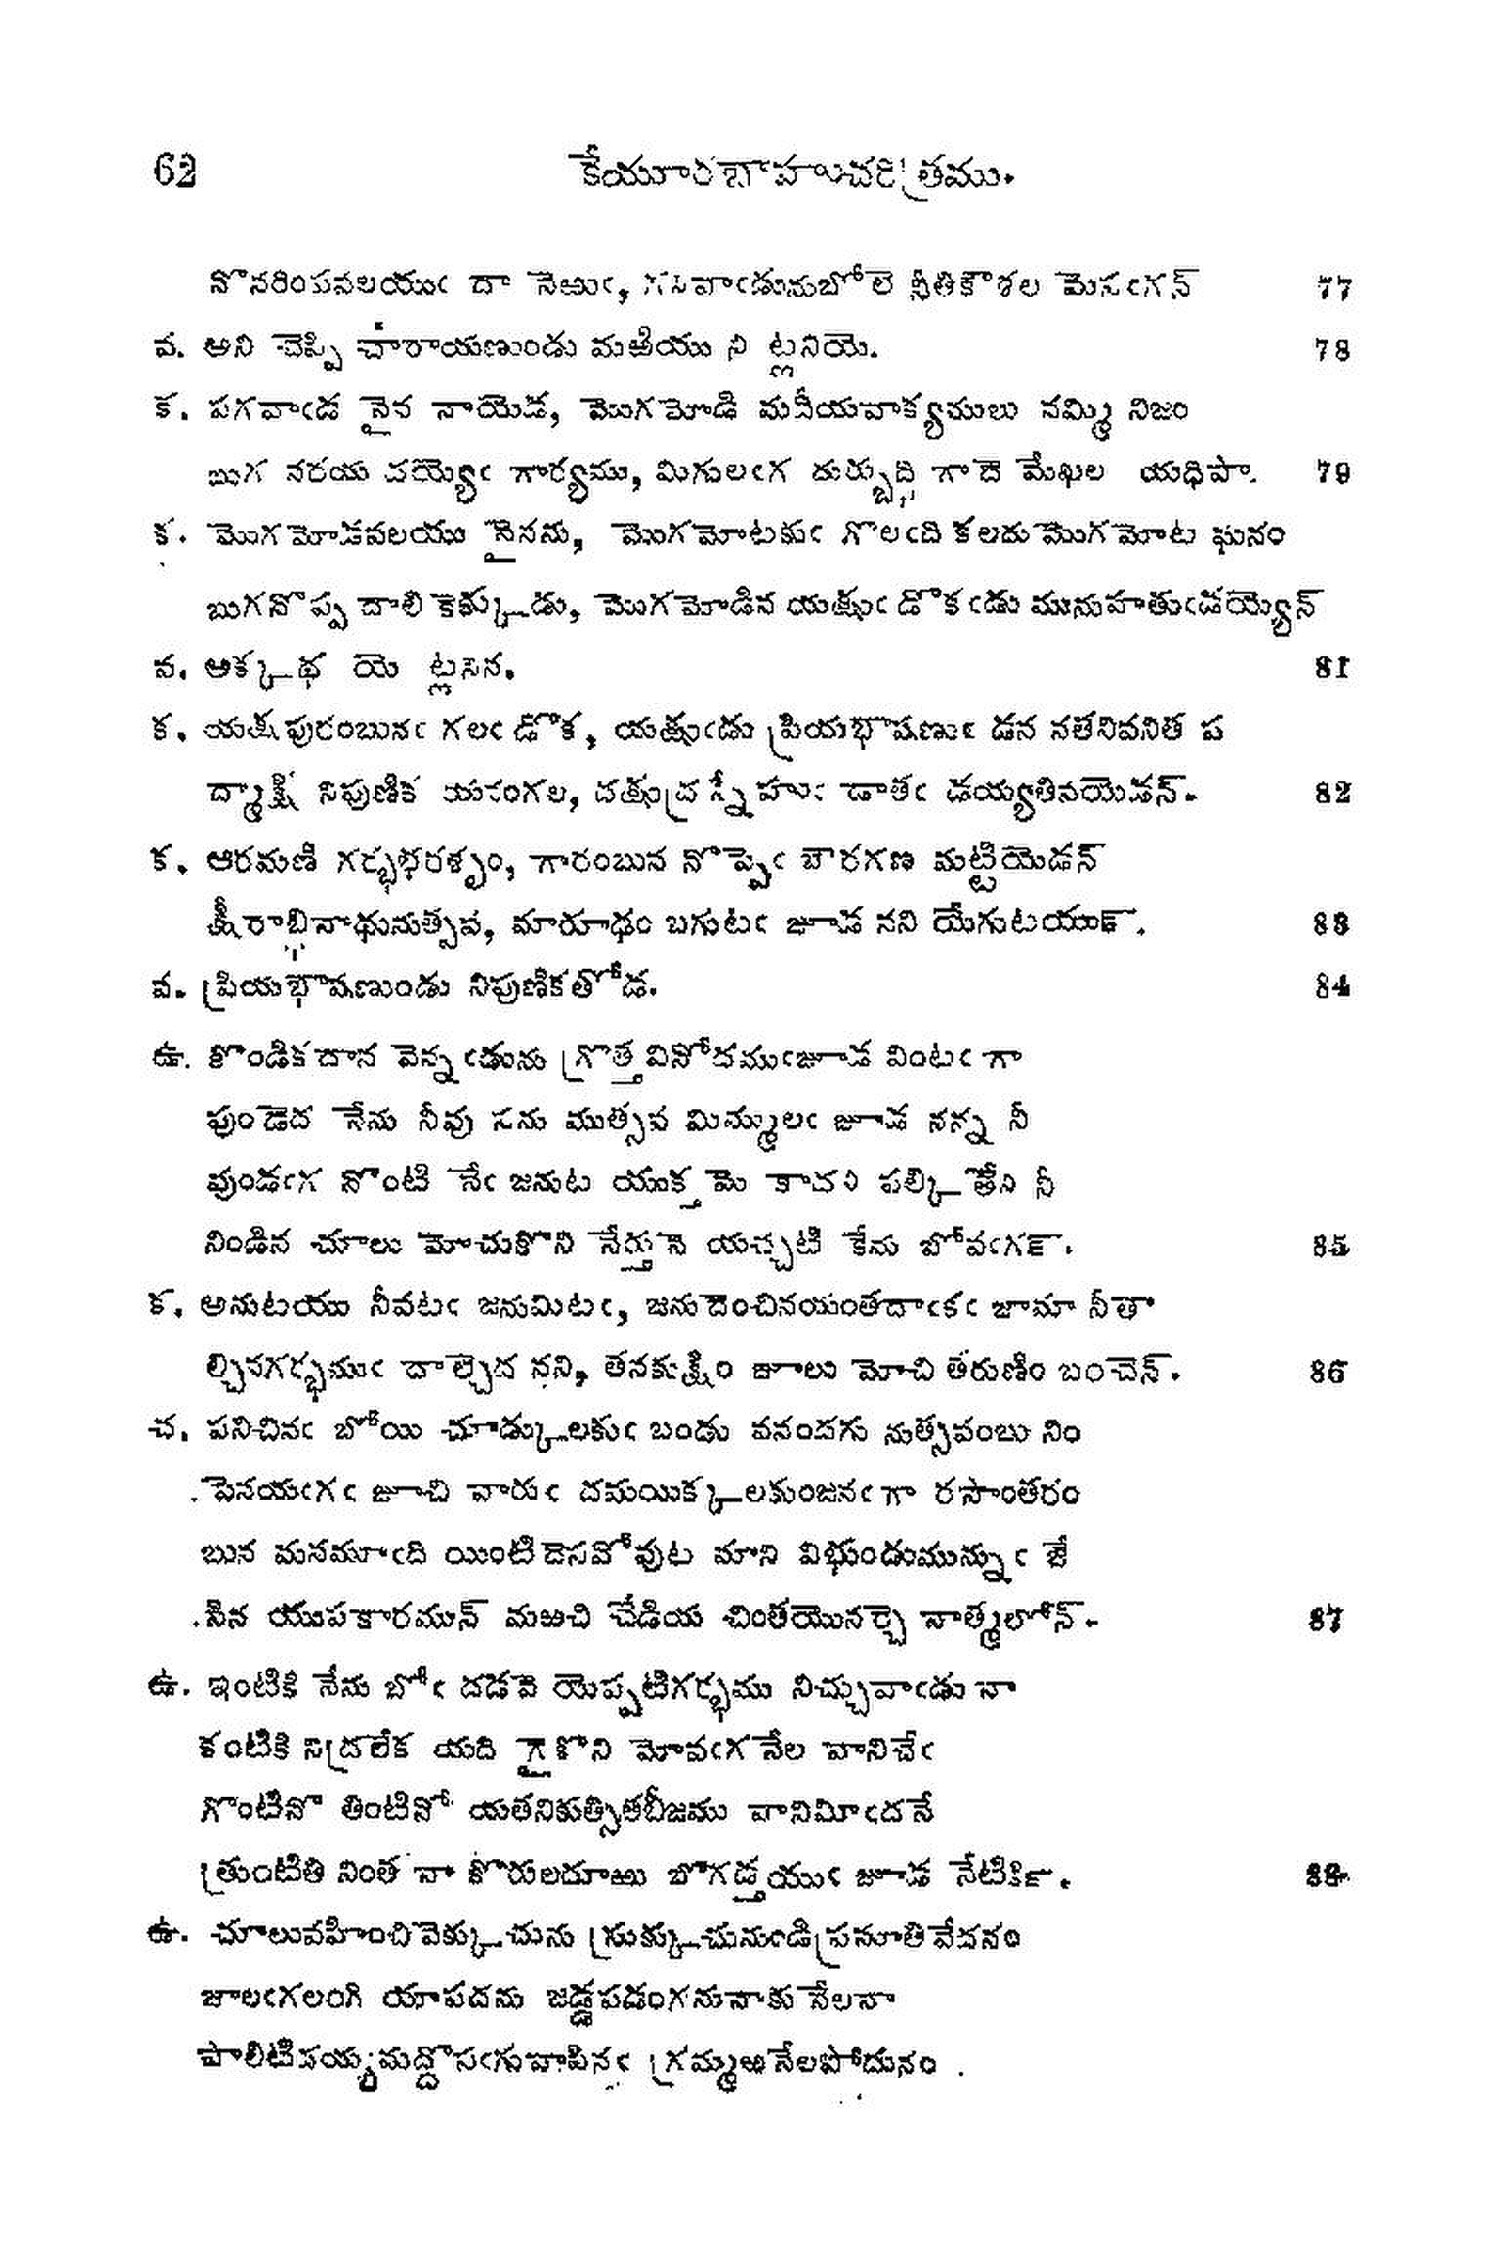నొనరింపవలయుఁ దా నెఱుఁ, గనివాఁడునుబోలె నీతికౌశల మెసఁగన్.
వ. అని చెప్పి చారాయణుండు మఱియు ని ట్లనియె.
క. పగవాఁడ నైన నాయెడ, మొగమోడి మదీయవాక్యములు నమ్మి నిజం
 బుగ నరయదయ్యెఁ గార్యము, మిగులఁగ దుర్బుద్ధి గాదె మేఖల యధిపా.
క. మొగమోడవలయు నైనను, మొగమోటకుఁ గొలఁది కలదు మొగమోట ఘనం
 బుగ నొప్ప దాలి కెక్కుడు, మొగమోడిన యక్షుఁ డొకఁడు మును హతుఁ డయ్యెన్.
వ. అక్కథ యె ట్లనిన.
క. యక్షపురంబునఁ గలఁ డొక, యక్షుఁడు ప్రియభాషణుఁ డన నతనివనిత ప
 ద్మాక్షి నిపుణిక యనంగల, చక్షుద్రస్నేహుఁ డాతఁ డయ్యితివయెడన్.
క. ఆరమణి గర్భభరశృం, గారంబున నొప్పెఁ బౌరగణ మట్టియెడన్
 క్షీరాబ్ధినాథునుత్సవ, మారూఢం బగుటఁ జూడ నని యేగుటయున్.
వ. ప్రియభాషణుండు నిపుణికతోడ.
ఉ. కొండికదాన వెన్నఁడును క్రొత్తవినోదముఁ జూడ వింటఁ గా
 పుండెద నేను నీవు సను ముత్సన మిమ్ములఁ జూడ నన్న నీ
 వుండఁగ నొంటి నేఁ జనుట యుక్తమె కాదని పల్కితేని నీ
 నిండిన చూలు మోచుకొని నేర్తునె యచ్చటి కేను బోవఁగన్.
క. అనుటయు నీ వటఁ జను మిటఁ, జనుదెంచినయంతదాఁకఁ జామా నీతా
 ల్చినగర్భముఁ దాల్చెద నని, తనకుక్షిం జూలు మోచి తరుణీం బంచెన్.
చ. పనిచినఁ బోయి చూడ్కులకుఁ బండు వనందగు నుత్సవంబు నిం
 పెనయఁగఁ జూచి వారుఁ దమయిక్కలకుం జనఁగా రసాంతరం
 బున మనమూఁది యింటి దెసవోవుట మాని విభుండు మున్నుఁ జే
 సిన యుపకారమున్ మఱచి చేడియ చింత యొనర్చె నాత్మలోన్.
ఉ. ఇంటికి నేను బోఁ దడవె యెప్పటిగర్భము నిచ్చువాఁడు నా
 కంటికి నిద్రలేక యది గైకొని మోవఁగ నేల వానిచేఁ
 గొంటినొ తింటినో యతనికుత్సితబీజము వానిమీఁదనే
 త్రుంటితి నింత నా కొరులదూఱు బొగడ్తయుఁ జూడ నేటికిన్.
ఉ. చూలువహించి వెక్కుచును స్రుక్కుచునుండి ప్రసూతివేదనం
 జాలఁగలంగి యాపదను జడ్డపడంగను నాకు నేల నా
 పాలిటిదయ్యమద్దొసఁగువాపినఁ గ్రమ్మఱ నేలపోదునం